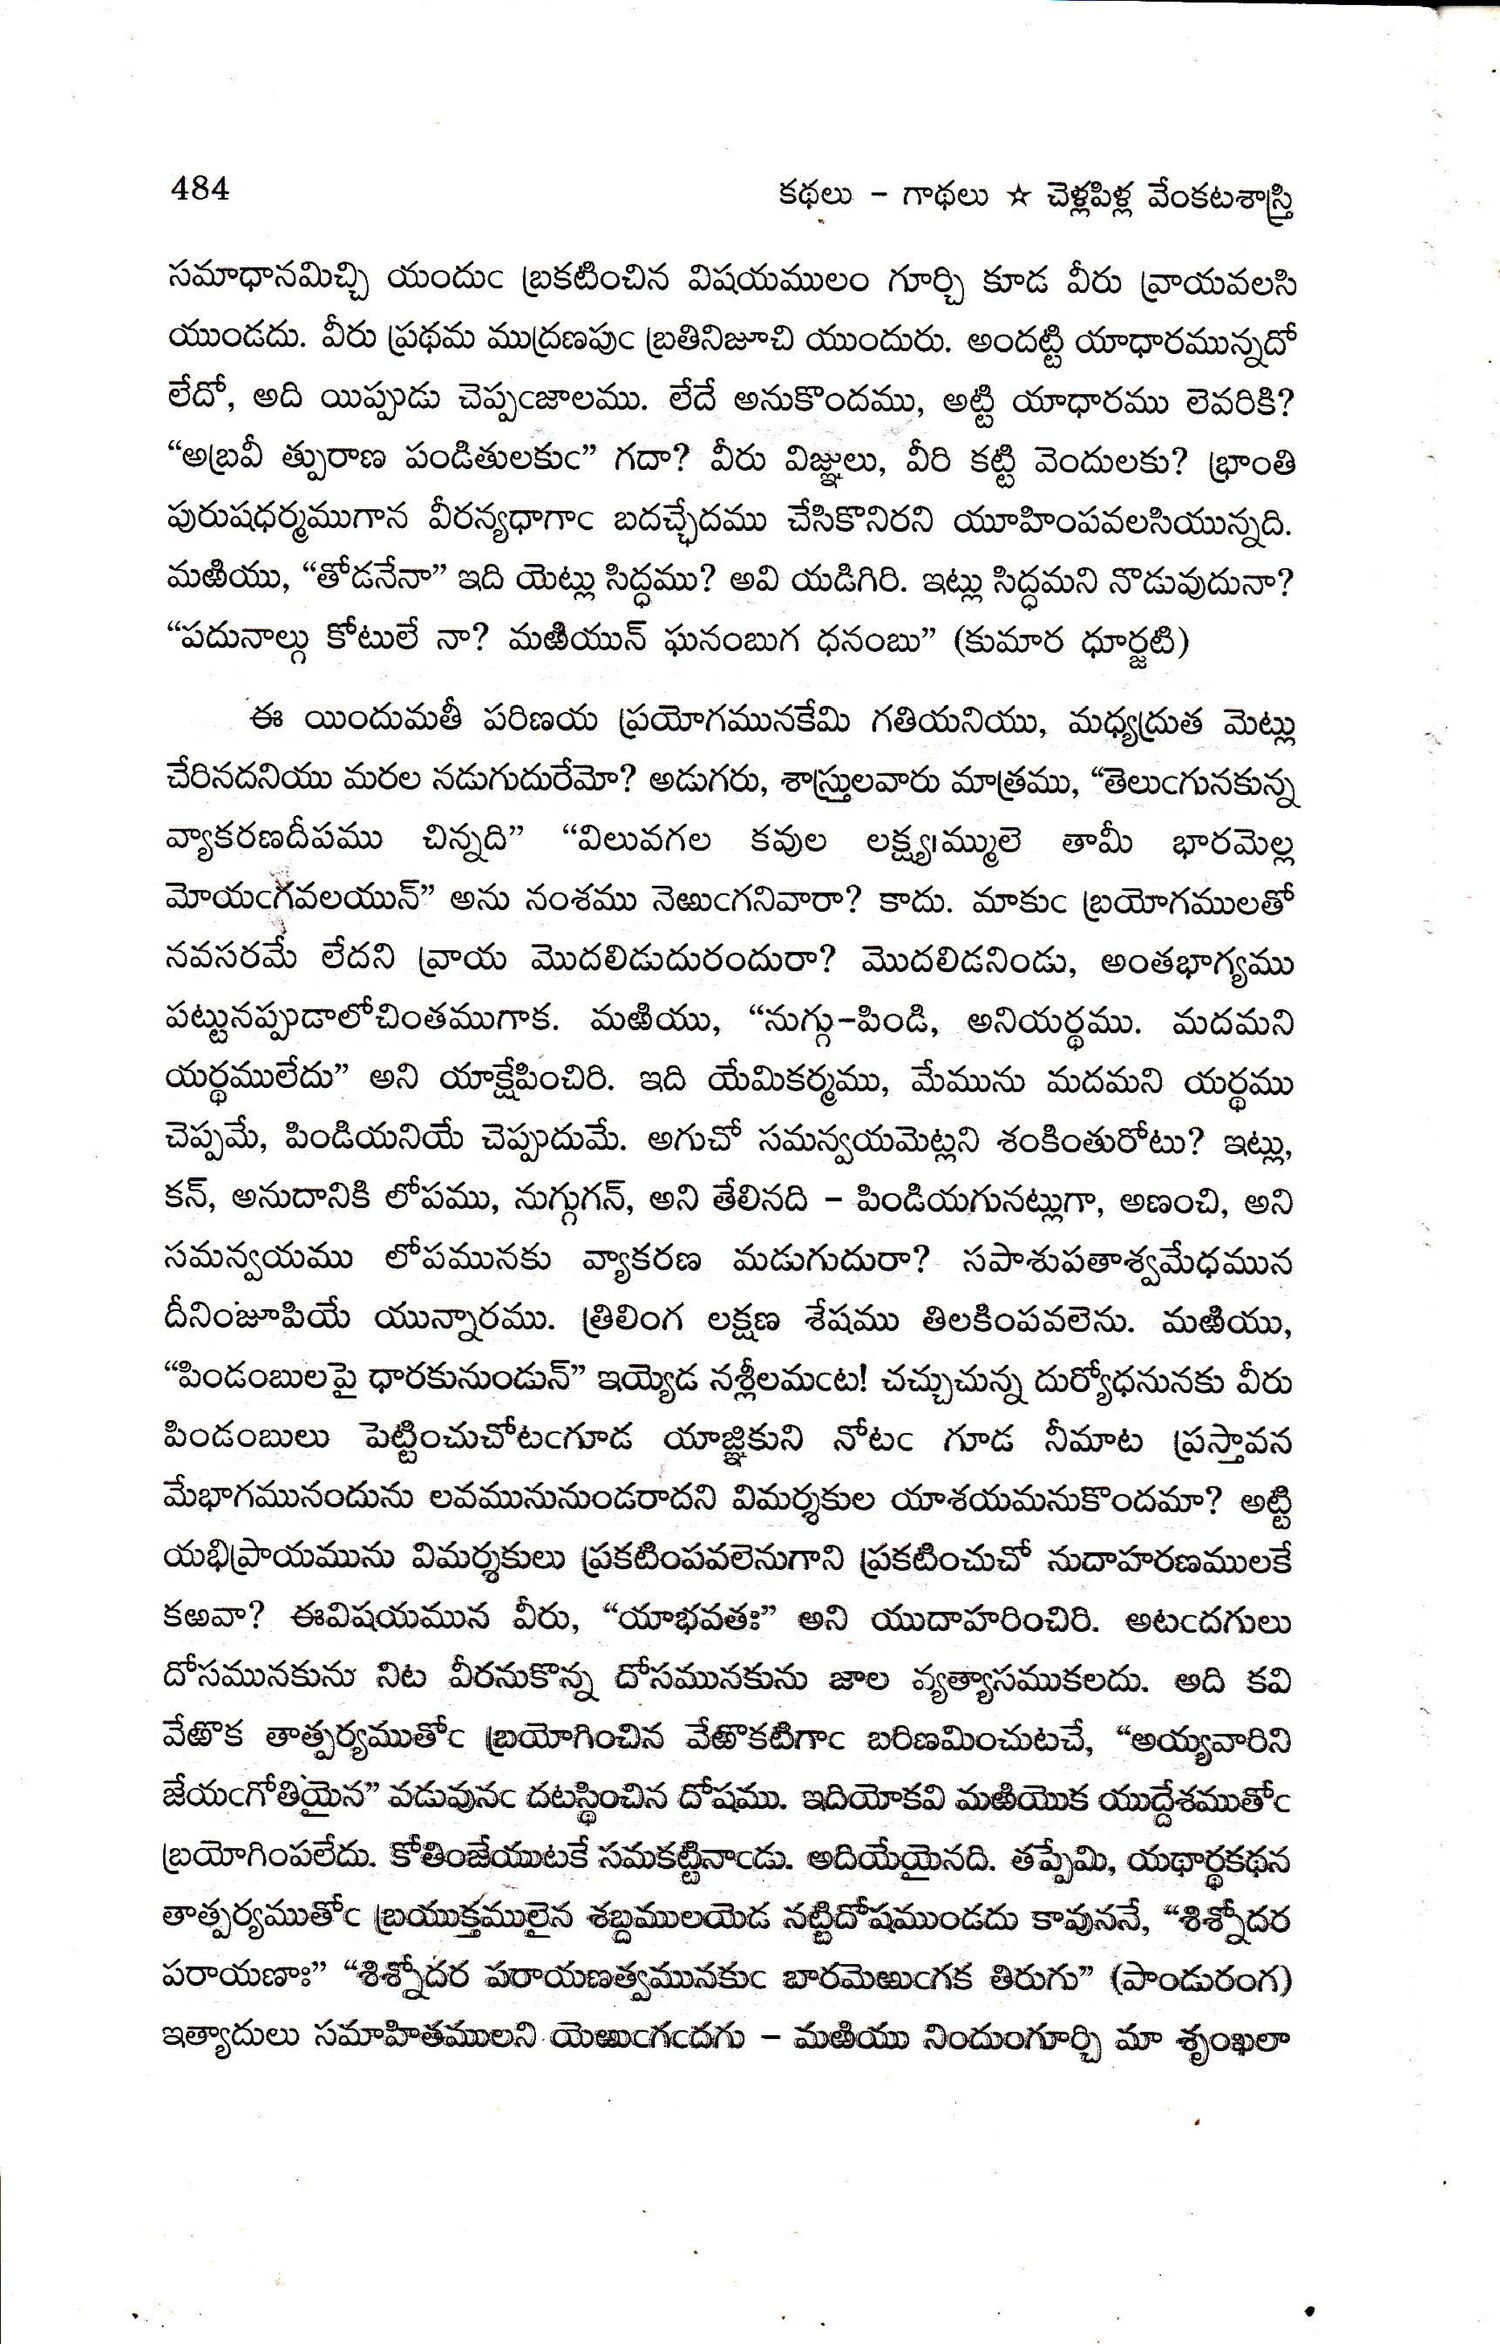సమాధానమిచ్చి యందుఁ బ్రకటించిన విషయములం గూర్చి కూడ వీరు వ్రాయవలసి యుండదు. వీరు ప్రథమ ముద్రణపుఁ బ్రతినిజూచి యుందురు. అందట్టి యాధారమున్నదో లేదో, అది యిప్పుడు చెప్పఁజాలము. లేదే అనుకొందము, అట్టి యూధారము లెవరికి? “అబ్రవీ త్పురాణ పండితులకుఁ” గదా? వీరు విజ్ఞులు, వీరి కట్టి వెందులకు? బ్రాంతి పురుషధర్మముగాన వీరన్యధాగాఁ బదచ్ఛేదము చేసికొనిరని యూహింపవలసియున్నది. మఱియు, “తోడనేనా? ఇది యెట్లు సిద్ధము? అవి యడిగిరి. ఇట్లు సిద్ధమని నొడువుదునా? "పదునాల్గు కోటులే నా? మఱియున్ ఘనంబుగ ధనంబు" (కుమార ధూర్జటి)

ఈ యిందుమతీ పరిణయ ప్రయోగమునకేమి గతియనియు, మధ్యద్రుత మెట్లు చేరినదనియు మరల నడుగుదురేమో? అడుగరు, శాస్త్రులవారు మాత్రము, “తెలుఁగునకున్న వ్యాకరణదీపము చిన్నది” “విలువగల కవుల లక్ష్యమ్ములె తామీ భారమెల్ల మోయఁగవలయున్" అను నంశము నెఱుఁగనివారా? కాదు. మాకుఁ బ్రయోగములతో నవసరమే లేదని వ్రాయ మొదలిడుదురందురా? మొదలిడనిండు, అంతభాగ్యము పట్టునప్పడాలోచింతముగాక. మఱియు, “నుగ్గు-పిండి, అనియర్థము. మదమని యర్థములేదు" అని యాక్షేపించిరి. ఇది యేమికర్మము, మేమును మదమని యర్థము చెప్పమే, పిండియనియే చెప్పుదుమే. అగుచో సమన్వయమెట్లని శంకింతురోటు? ఇట్లు, కన్, అనుదానికి లోపము, నుగ్గుగన్, అని తేలినది - పిండియగునట్లుగా, అణంచి, అని సమన్వయము లోపమునకు వ్యాకరణ మడుగుదురా? సపాశుపతాశ్వమేధమున దీనింజూపియే యున్నారము. త్రిలింగ లక్షణ శేషము తిలకింపవలెను. మఱియు, “పిండంబులపై ధారకునుండున్" ఇయ్యెడ నళ్లీలమఁట! చచ్చుచున్న దుర్యోధనునకు వీరు పిండంబులు పెట్టించుచోటఁగూడ యాజ్ఞికుని నోటఁ గూడ నీమాట ప్రస్తావన మేభాగమునందును లవమునునుండరాదని విమర్శకుల యాశయమనుకొందమా? అట్టి యభిప్రాయమును విమర్శకులు ప్రకటింపవలెనుగాని ప్రకటించుచో నుదాహరణములకే కఱవా? ఈవిషయమున వీరు, “యాభవతః" అని యుదాహరించిరి. అటcదగులు దోసమునకును నిట వీరనుకొన్న దోసమునకును జాల వ్యత్యాసముకలదు. అది కవి వేఱొక తాత్పర్యముతోఁ బ్రయోగించిన వేఱొకటిగాఁ బరిణమించుటచే, “అయ్యవారిని జేయఁగోతియైన" వడువునఁ దటస్థించిన దోషము. ఇదియోకవి మఱియొక యుద్దేశముతోఁ బ్రయోగింపలేదు. కోతింజేయుటకే సమకట్టినాఁడు. అదియేయైనది. తప్పేమి, యథార్థకథన తాత్పర్యముతోఁ బ్రయుక్తములైన శబ్దములయెడ నట్టిదోషముండదు కావుననే, "శిశ్నోదర పరాయణాః" "శిశ్నోదర పరాయణత్వమునకుఁ బారమెఱుఁగక తిరుగు" (పాండురంగ) ఇత్యాదులు సమాహితములని యెఱుఁగఁదగు - మఱియు నిందుంగూర్చి మా శృంఖలా